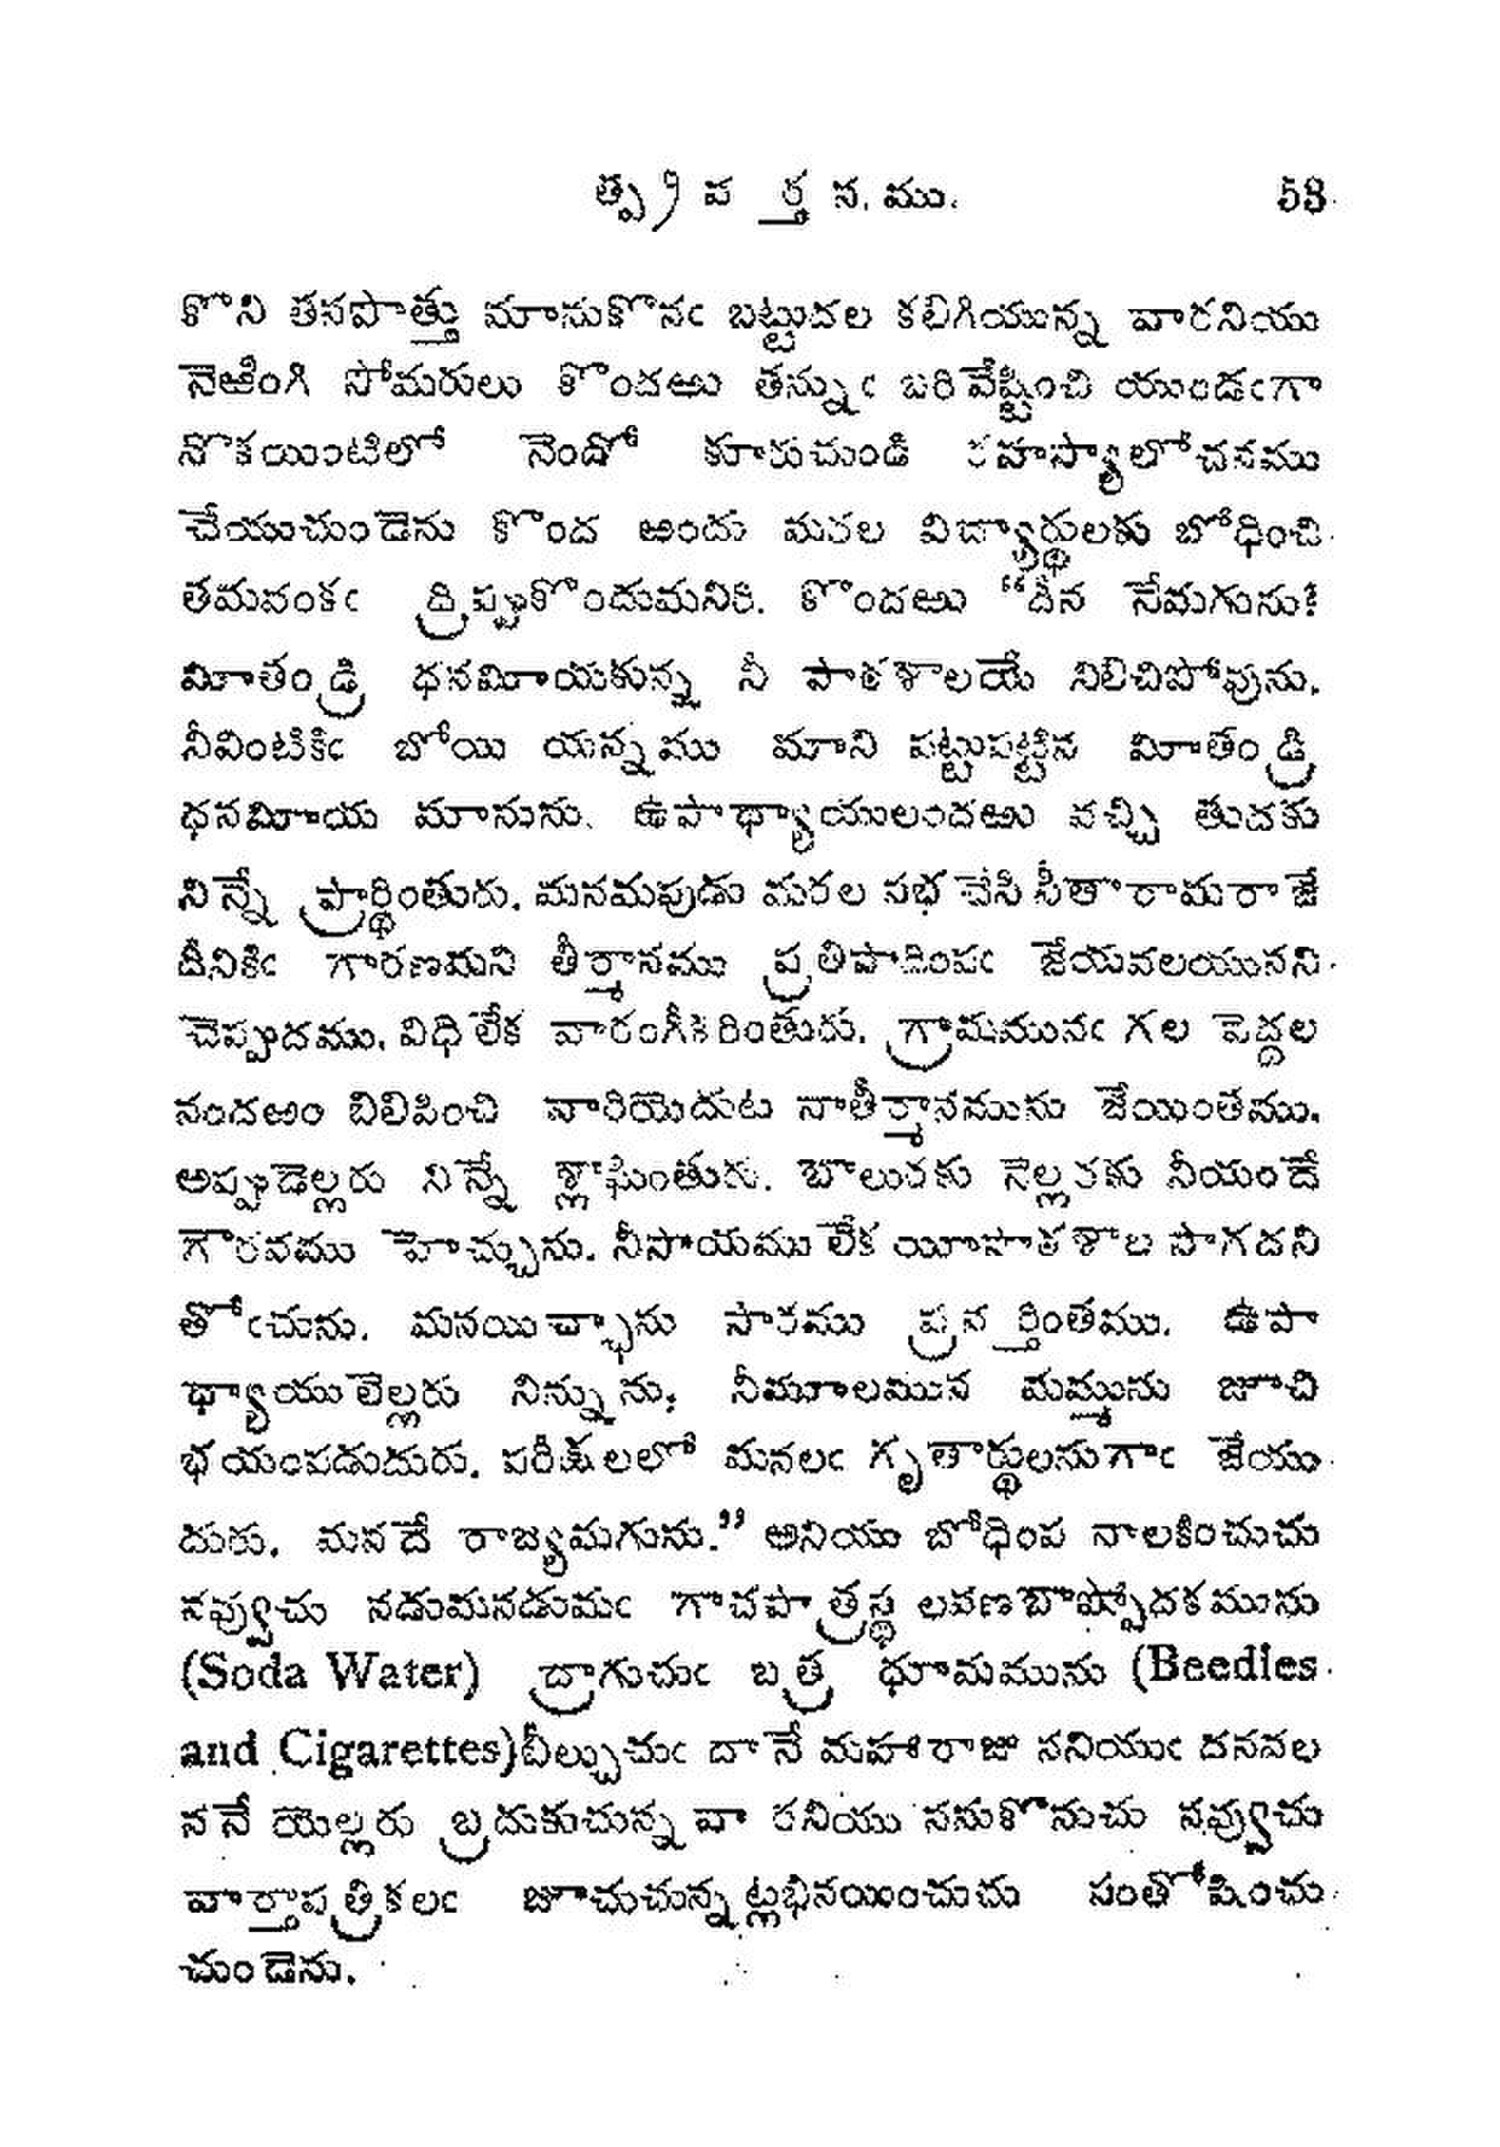కోని తనపొత్తు మానుకొనఁ బట్టుదల కలిగియున్న వారనియు నెఱింగి సోమరులు కొందఱు తన్నుఁ బరివేష్టించి యుండఁగా నొకయింటిలో నేందో కూరుచుండి రహస్యాలోచనము చేయుచుండెను. కొందఱందు మరల విధ్యార్డులకు బోధించి తమవంకఁ దిప్పుకొందుమనిరి. కొందజు "దీన 'సేమగును? మీతండ్రి ధనమీయకున్న నీ పాఠశాలయే నిలిచిపోవును
నీ వింటికిఁ బోయి యన్నము మాని పట్టుపట్టిన మీతండ్రి, ధనమీయ మానును. ఉపాధ్యాయులందఱు వచ్చి తుదకు నిన్నే ప్రార్థింతురు, మనమపుడు మరల సభ చేసే సీతారామరాజే దీనికిఁ గారణమని తీర్థానము ప్రతిపాదింప జేయవలయునని. చెప్పుదము, విధి లేక వారంగీక రింతురు. గ్రామమునఁ గల పెద్దల నందలం బిలిపించి నారియెదుట నాతీర్మానమును జేయింతము, అప్పుడెల్లరు నిన్నే శ్లాఘింతురు. బాలురకు సెల్లరకు నీయందే గౌరవము హెచ్చును. నీ సాయము లేక పాఠ శాల సాగదని తోఁచును. మనయి చ్ఛాను సారము ప్రవర్తింతము. ఉపాధ్యాయు లెల్లరు నిన్నును, నీమూలమున మమ్మును జూచి భయంపడుదురు. కరీకులలో మనలఁ గృశార్డులను గాఁ జేయు దురు. మన దే రాజ్యమగును.” అనియు బోధింప నాలకించుచు నవ్వుచు నడుమనడుమఁ గాదపాత్రస్థ లవణ బొప్పోదకమును (Soda Water) ద్రాగుచుఁ బత్ర, ధూమమును (Beedies and Cigarettes)బీల్చుచుఁ దానే మహారాజు సనియుఁ దనవల ననే యెల్లరు బ్రదుకుచున్నవా రనియు సనుకొనుచు నవ్వుచు వారాపత్రికల జూచుచున్నట భినయించుచు సంతోషించు. చుండెను.